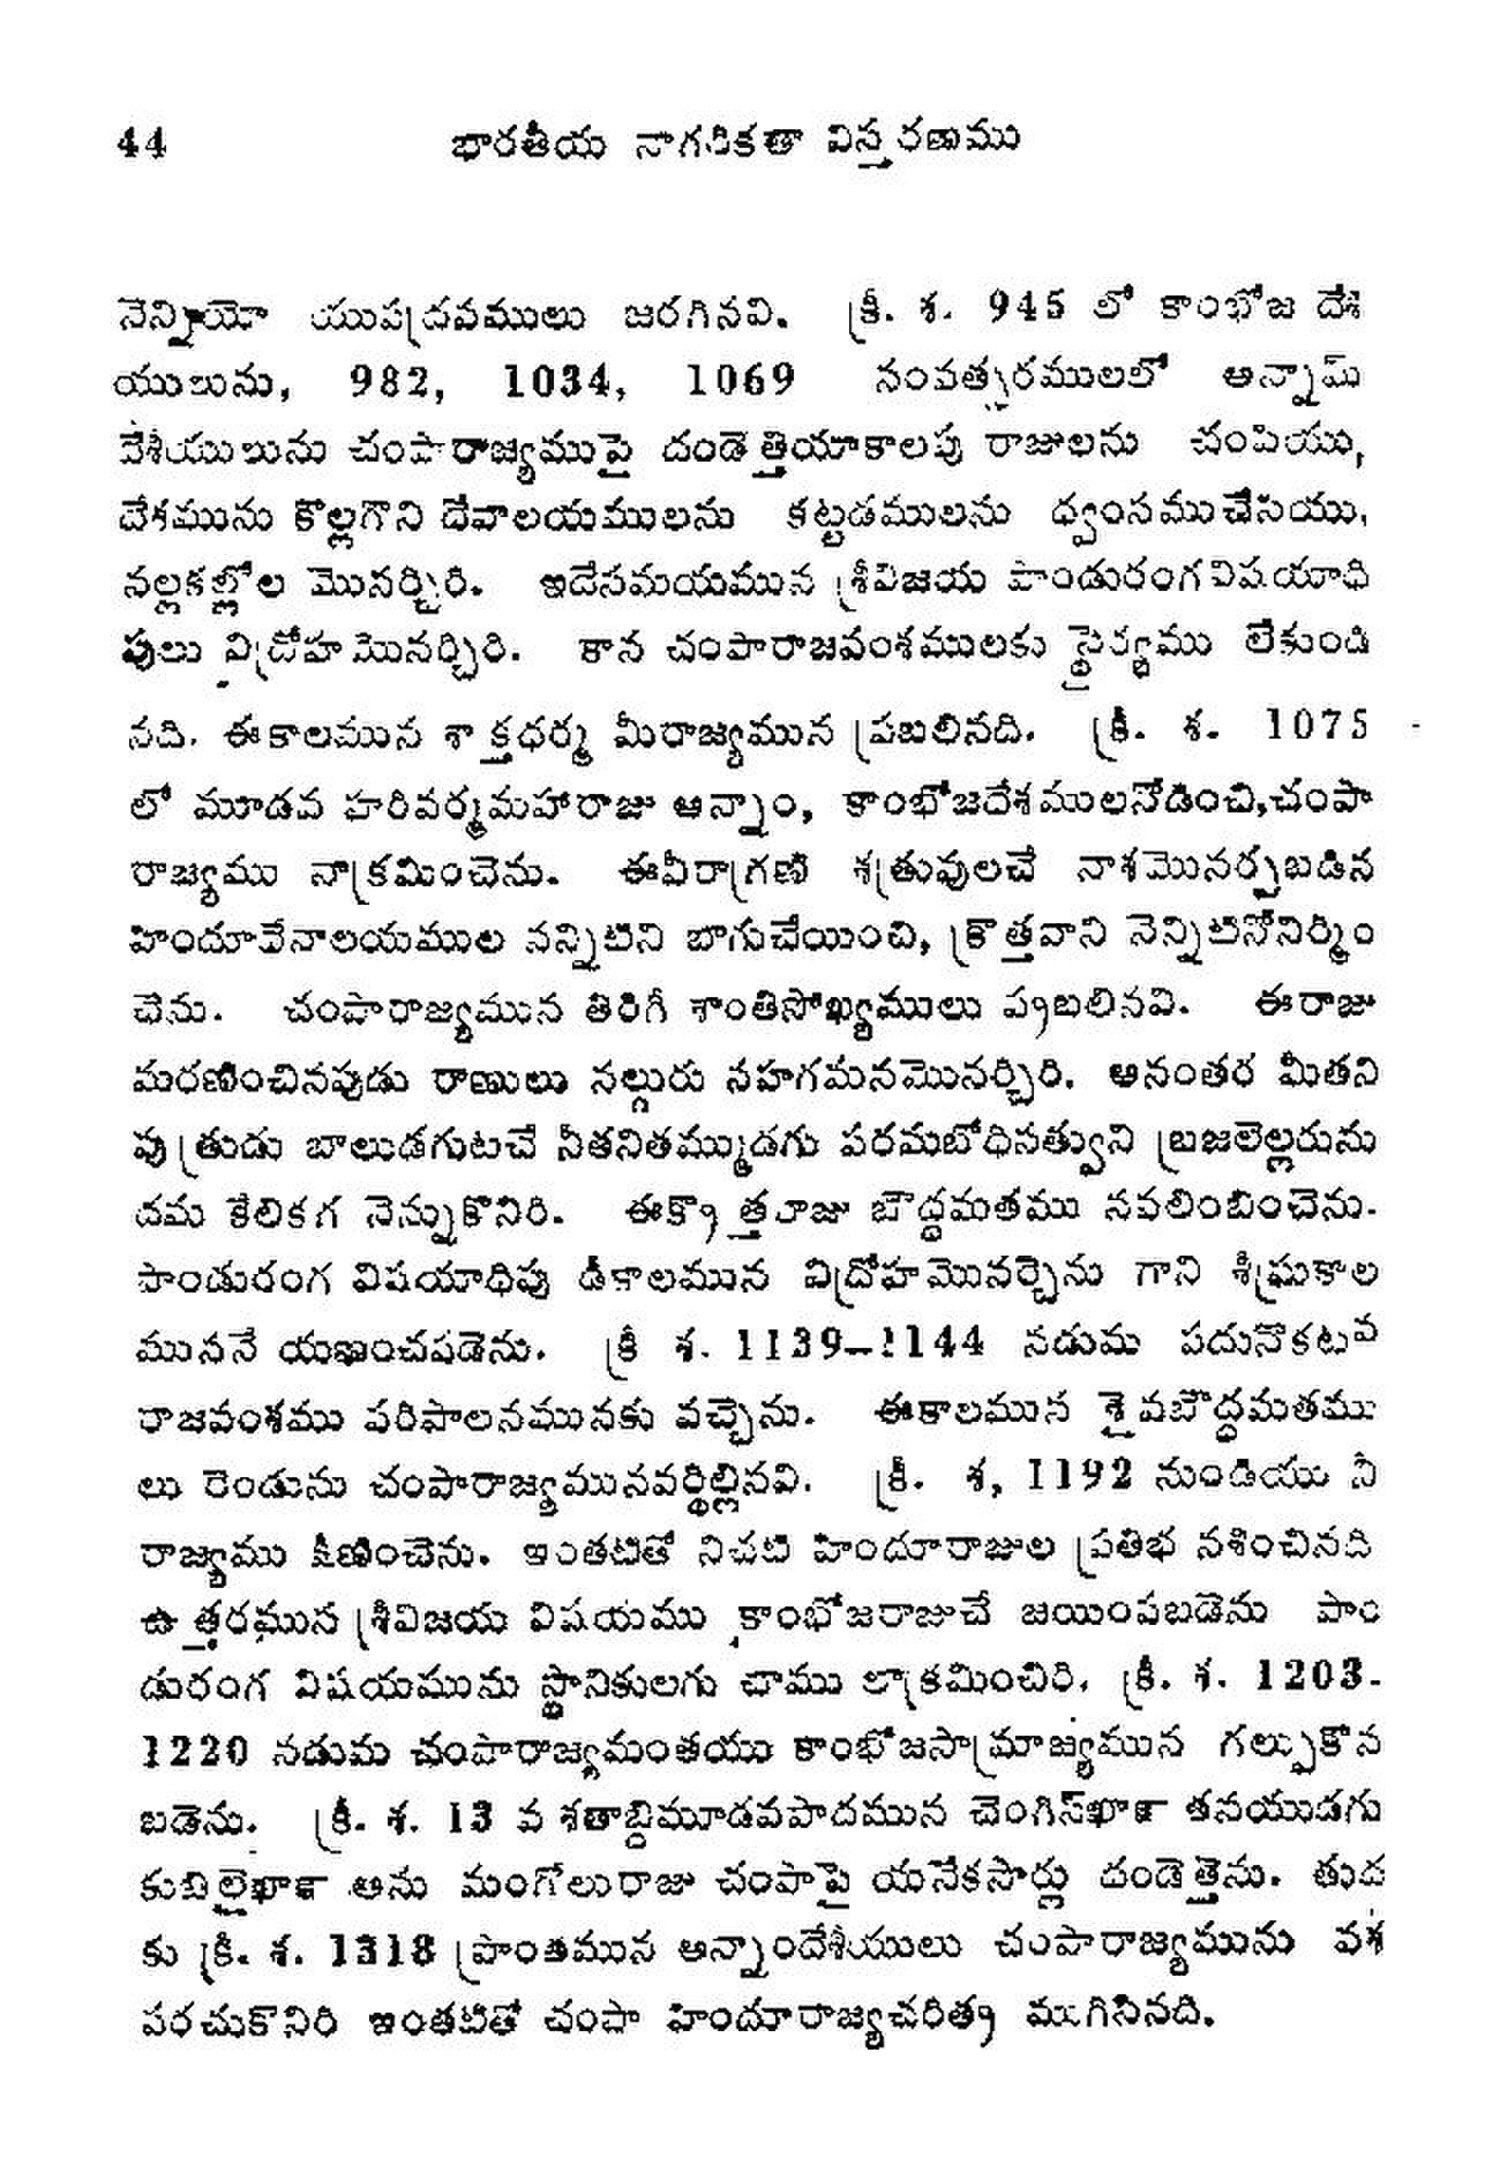నెన్నియో యుపద్రవములు జరిగినవి. క్రీ. శ. 945 లో కాంభోజ దేశీయులును, 982, 1034, 1069 సంవత్సరములలో అన్నామ్ దేశీయులును చంపారాజ్యముపై దండెత్తియాకాలపు రాజులను చంపియు, దేశమును కొల్లగొని దేవాలయములను కట్టడములను ద్వంసముచేసియు, నల్లకల్లోల మొనర్చిరి. ఇదేసమయమున శ్రీవిజయ పాండురంగవిషయాదిపులు విద్రోహ మొనర్చిరి. కాన చంపారాజవంశములకు స్థైర్యము లేకుండినది. ఈకాలమున శాక్తధర్మ మీరాజ్యమున ప్రబలినది. క్రీ. శ. 1075 లో మూడవ హరివర్మమహారాజు అన్నాం, కాంభోజదేశములనోడించి, చంపారాజ్యము నాక్రమించెను. ఈవీరాగ్రణి శత్రువులచే నాశమొనర్పబడిన హిందూదేవాలయముల నన్నిటిని బాగుచేయించి, క్రొత్తవాని నెన్నిటినోనిర్మించెను. చంపారాజ్యమున తిరిగీ శాంతిసౌఖ్యములు ప్రబలినవి. ఈరాజు మరణించినపుడు రాణులు నల్గురు సహగమనమొనర్చిరి. అనంతర మీతని పుత్రుడు బాలుడగుటచే నీతనితమ్ముడగు పరమబోధిసత్వుని బ్రజలెల్లరును దమ కేలికగ నెన్నుకొనిరి. ఈక్రొత్తరాజు బౌద్దమతము నవలంబించెను. పాండురంగ విషయాధిపు డీకాలమున విద్రోహమొనర్చెను గాని శీఘ్రకాలముననే యణంచబడెను. క్రీ. శ. 1139-1144 నడుమ పదునొకటవ రాజవంశము పరిపాలనమునకు వచ్చెను. ఈకాలమున శైవబౌద్దమతములు రెండును చంపారాజ్యమునవర్థిల్లినవి. క్రీ. శ. 1192 నుండియు నీరాజ్యము క్షీణించెను. ఇంతటితో నిచటి హిందూరాజుల ప్రతిభ నశించినది. ఉత్తరమున శ్రీవిజయ విషయము కాంభోజరాజుచే జయింపబడెను. పాండురంగ విషయమును స్థానికులగు చాము లాక్రమించిరి. క్రీ. శ. 1203-1220 నడుమ చంపారాజ్యమంతయు కాంభోజసామ్రాజ్యమున గల్పుకొనబడెను. క్రీ. శ. 13 వ శతాబ్దిమూడవపాదమున చెంగిస్‌ఖాన్ తనయుడగు కుబిలైఖాన్ అను మంగోలురాజు చంపాపై యనేకసార్లు దండెత్తెను. తుదకు క్రీ. శ. 1318 ప్రాంతమున అన్నాందేశీయులు చంపా రాజ్యమును వశపరచుకొనిరి. ఇంతటితో చంపా హిందూరాజ్యచరిత్ర ముగిసినది.